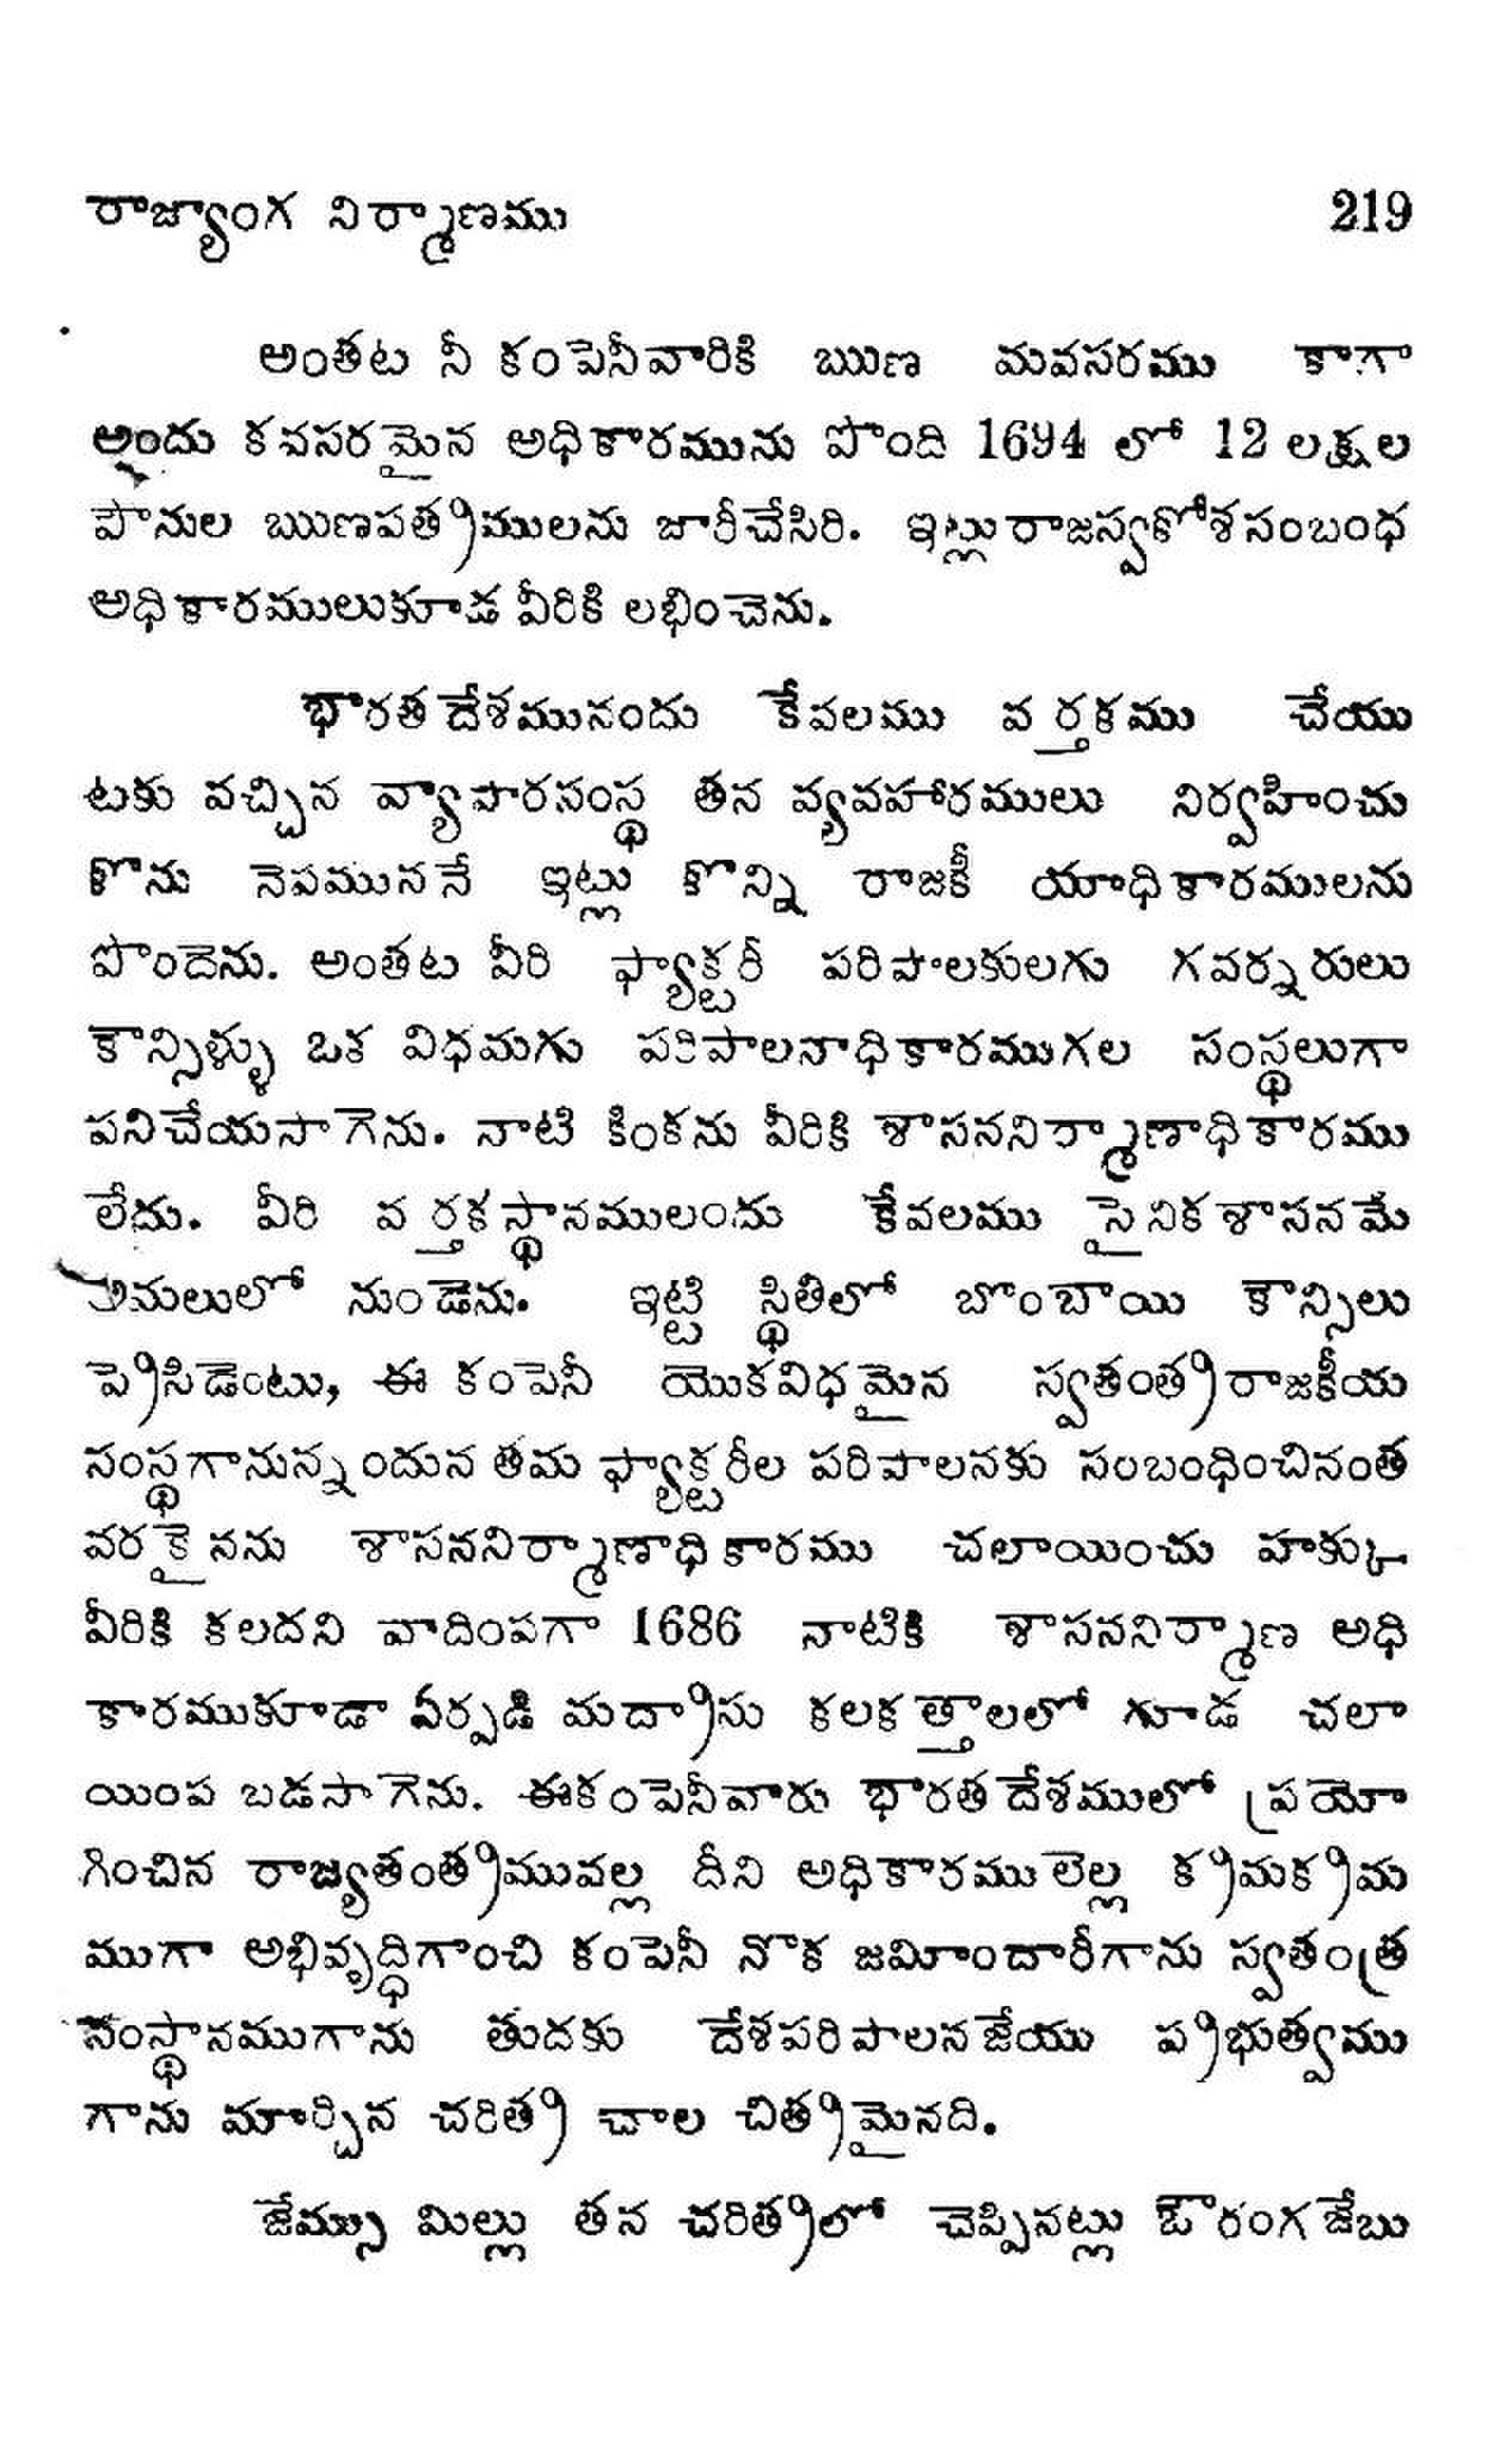అంతట నీ కంపెనీవారికి ఋణ మవసరము కాగా అందు కవసరమైన అధికారమును పొంది 1694 లో 12 లక్షల పౌనుల ఋణపత్రములను జారీచేసిరి. ఇట్లురాజస్వకోశసంబంధ అధికారములుకూడ వీరికి లభించెను. 

భారతదేశమునందు కేవలము వర్తకము చేయుటకు వచ్చిన వ్యాపారసంస్థ తన వ్యవహారములు నిర్వహించుకొను నెపముననే ఇట్లు కొన్ని రాజకీయాధికారములను పొందెను. అంతట వీరి ఫ్యాక్టరీ పరిపాలకులగు గవర్నరులు కౌన్సిళ్ళు ఒక విధమగు పరిపాలనాధికారముగల సంస్థలుగా పనిచేయసాగెను. నాటి కింకను వీరికి శాసననిర్మాణాధికారము లేదు. వీరి వర్తకస్థానములందు కేవలము సైనికశాసనమే అమలులో నుండెను. ఇట్టి స్థితిలో బొంబాయి కౌన్సిలు ప్రెసిడెంటు, ఈ కంపెనీ యొకవిధమైన స్వతంత్రరాజకీయ సంస్థగానున్నందున తమ ఫ్యాక్టరీల పరిపాలనకు సంబంధించినంత వరకైనను శాసననిర్మాణాధికారము చలాయించు హక్కు వీరికి కలదని వాదింపగా 1686 నాటికి శాసననిర్మాణ అధికారముకూడా ఏర్పడి మద్రాసు కలకత్తాలలో గూడ చలాయింప బడసాగెను. ఈకంపెనీవారు. భారతదేశములో ప్రయోగించిన రాజ్యతంత్రమువల్ల దీని అధికారములెల్ల క్రమక్రమముగా అభివృద్ధిగాంచి కంపెనీ నొక జమీందారీగాను స్వతంత్ర సంస్థానముగాను తుదకు దేశపరిపాలనజేయు ప్రభుత్వముగాను మార్చిన చరిత్ర చాల చిత్రమైనది.

జేమ్సు మిల్లు తన చరిత్రలో చెప్పినట్లు ఔరంగజేబు